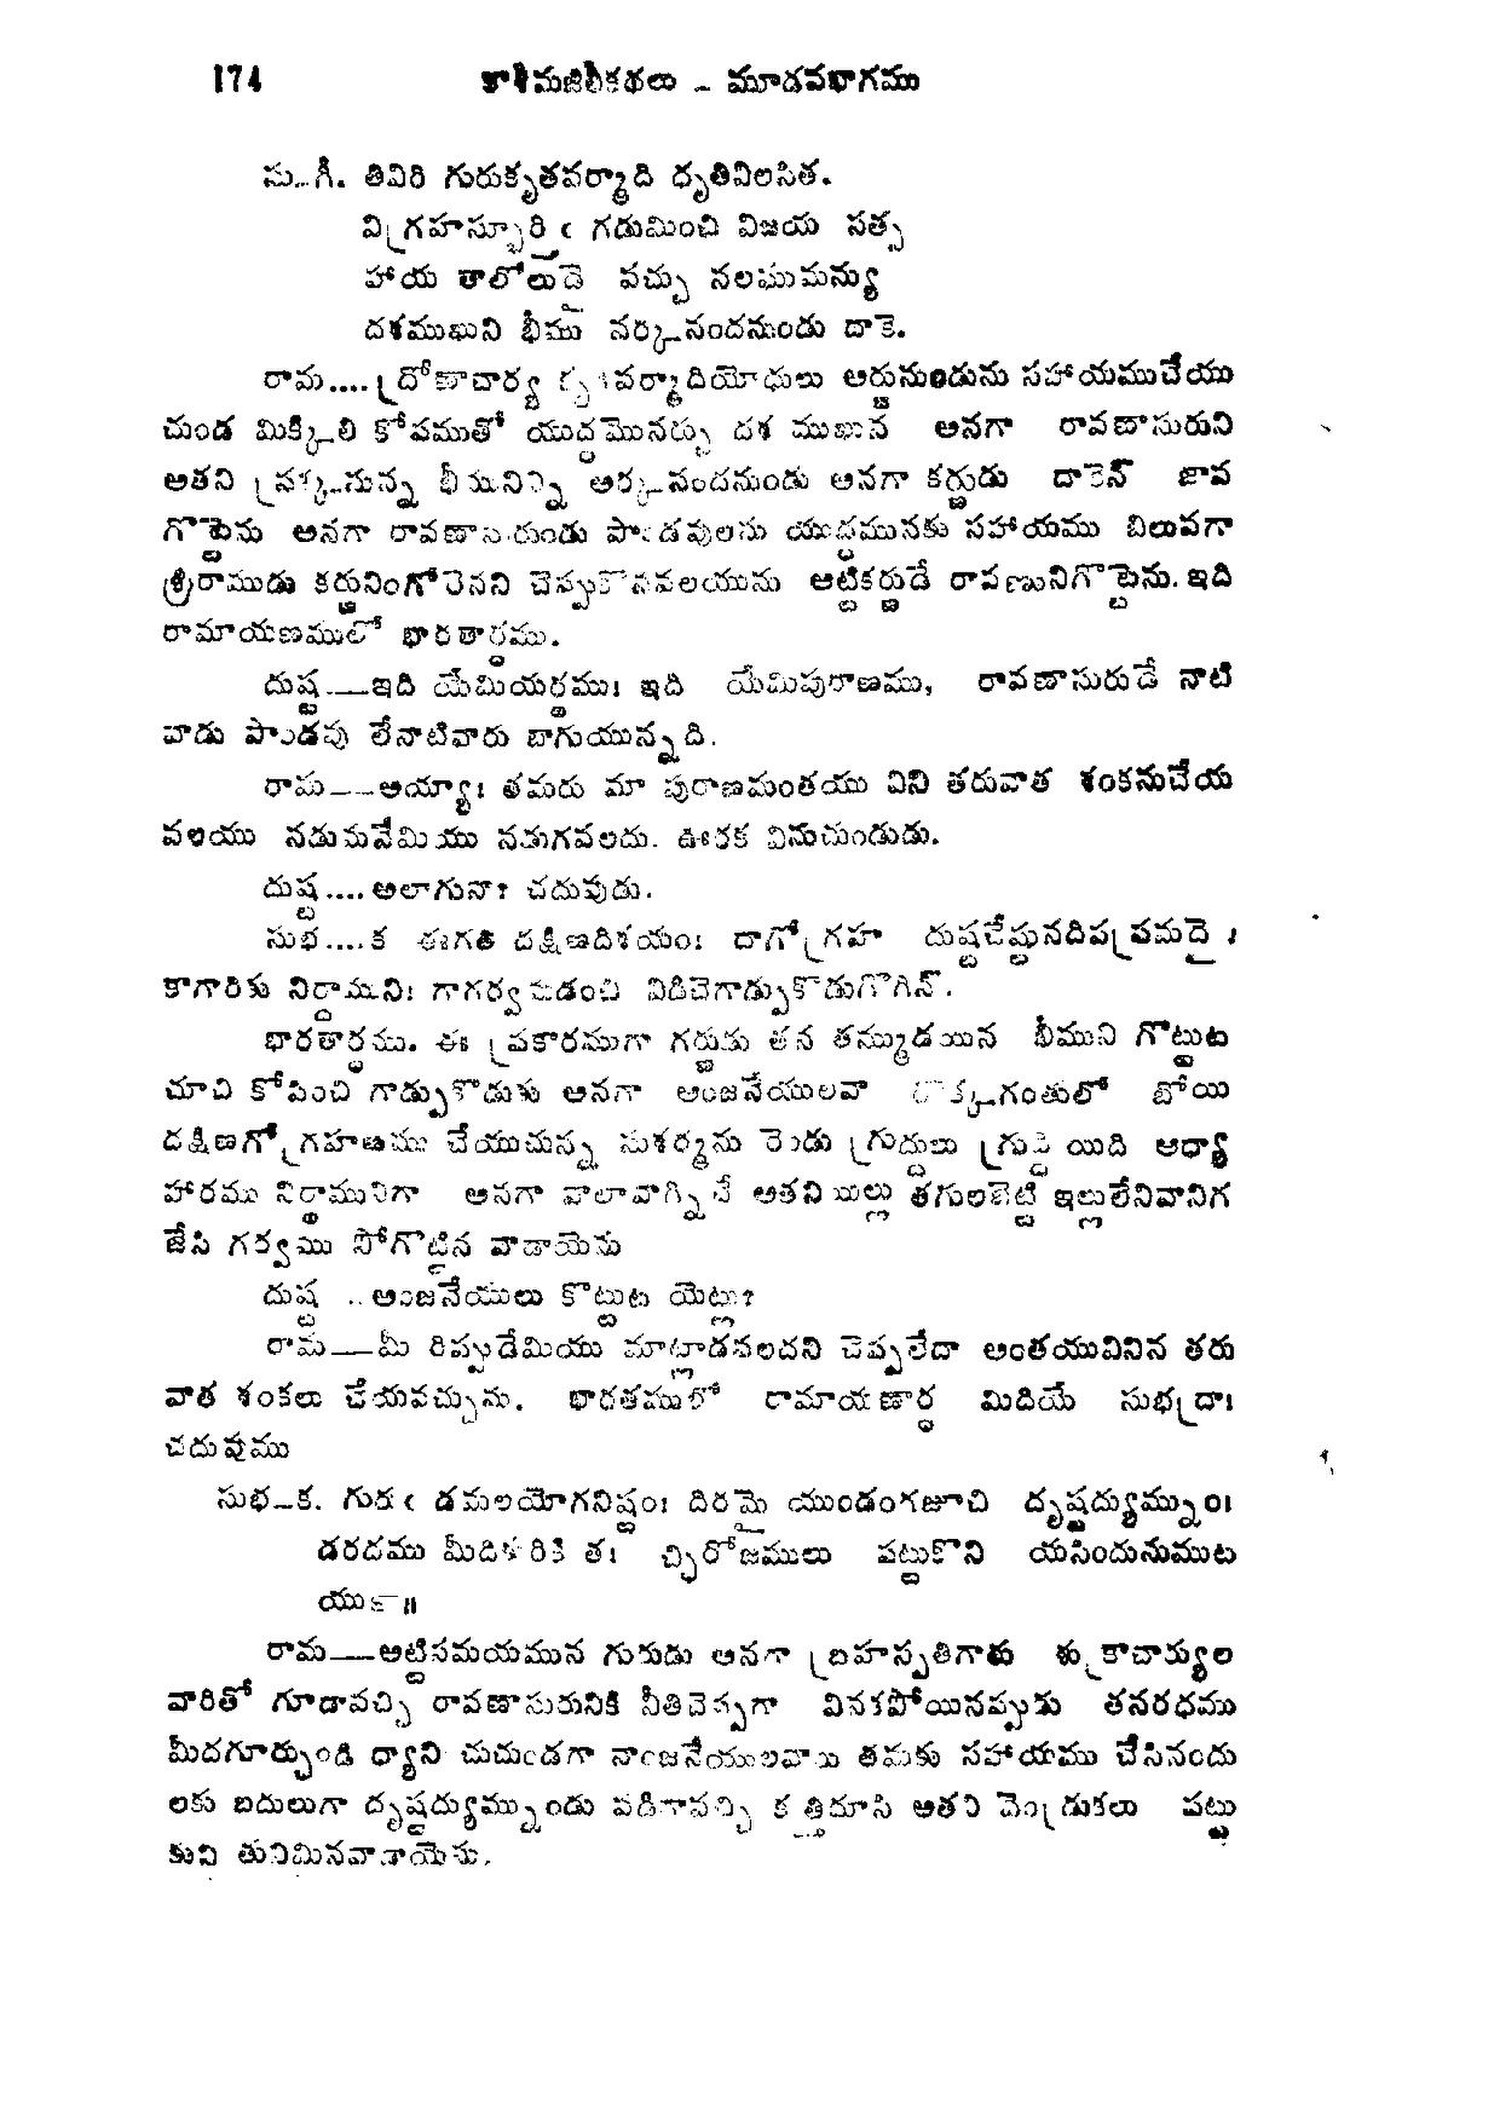సు౼ గీ. తివిరి గురుకృతవర్మాది ధృతివిలసిత
 విగ్రహస్ఫూర్తిఁ గడుమించి విజయ సత్స
 హాయతాలోలుడై వచ్చు నలఘుమన్యు
 దశముఖుని భీము నర్కనందనుండు దాకె.
రామ౼ద్రోణాచార్య కృతవర్మాదియోధులు అర్జునుండును సహాయము చేయుచుండ మిక్కిలి కోపముతో యుద్దమొనర్చు దశముఖుని అనగా రావణాసురుని అతని ప్రక్కనున్న భీమునిన్ని అర్కనందనుండు అనగా కర్ణుడు దాకెన్ జావగొట్టెను అనగా రావణాసురుండు పాండవులను యుద్దమునకు సహాయము బిలువగా శ్రీరాముడు కర్ణునింగోరెనని చెప్పుకొనవలయును. అట్టికర్ణుడే రావణునిగొట్టెను. ఇది రామాయణములో భారతార్దము.

దుష్ట - ఇది యేమి యర్థము? ఇది యేమి పురాణము, రావణాసురు డేనాటివాడు పాండవు లేనాటివారు బాగుయున్నది.

రామ - అయ్యా! తమరు మా పురాణమంతయు విని తరువాత శంకను చేయవలయు నడుమ నేమియు నడుగవలదు. ఊరక వినుచుండుడు.

దుష్ట - అలాగునా? చదువుడు.

సుభ ......క. ఈగతి దక్షిణదిశయం, దాగోగ్రహ దుష్టచేష్టు నదిపప్రమదై
 కాగారికు నిర్దాముని, గాగర్వమడంచి విడిచె గాడ్పుకొడు గొగిన్. 

భారతార్థము. ఈ ప్రకారముగా గర్ణుడు తన తమ్ముడయిన భీముని గొట్టుట చూచి కోపించి గాడ్పుకొడుకు అనగా ఆంజనేయులవా రొక్కగంతులో బోయి దక్షిణగోగ్రహణము చేయుచున్న సుశర్మను రెండు గ్రుద్దులు గ్రుద్ది యిది ఆధ్యాహారము నిర్థామునిగా అనగా వాలావాగ్నిచే అతని యిల్లు తగులబెట్టి ఇల్లులేనివానిగ జేసి గర్వము పోగొట్టిన వాడాయెను.

దుష్ట - ఆంజనేయులు కొట్టుట యెట్లు?

రామ - మీ రిప్పుడేమియు మాట్లాడవలదని చెప్పలేదా అంతయువినిన తరువాత శంకలు చేయవచ్చును. భారతములో రామాయణార్థ మిదియే సుభద్రా! చదువుము.

సుభ - క. గురుఁ డమలయోగనిష్టం, దిరమై యుండంగజూచి దృష్టద్యుమ్నుం
 డరదము మీదికురికి త, చ్ఛిరోజములు పట్టుకొని యసిం దునుముటయున్.

రామ - అట్టిసమయమున గురుడు అనగా బ్రహస్పతిగారు శుక్రాచార్యుల వారితో గూడావచ్చి రావణాసురునికి నీతిచెప్పగా వినకపోయినప్పుడు తనరథము మీదగూర్చుండి ధ్యానించుచుండగా నాంజనేయులవారు తమకు సహాయము చేసినందులకు బదులుగా దృష్టద్యుమ్నుండు వడిగావచ్చి కత్తిదూసి ఆతని వెండ్రుకలు పట్టుకుని తునిమినవాడాయెను.